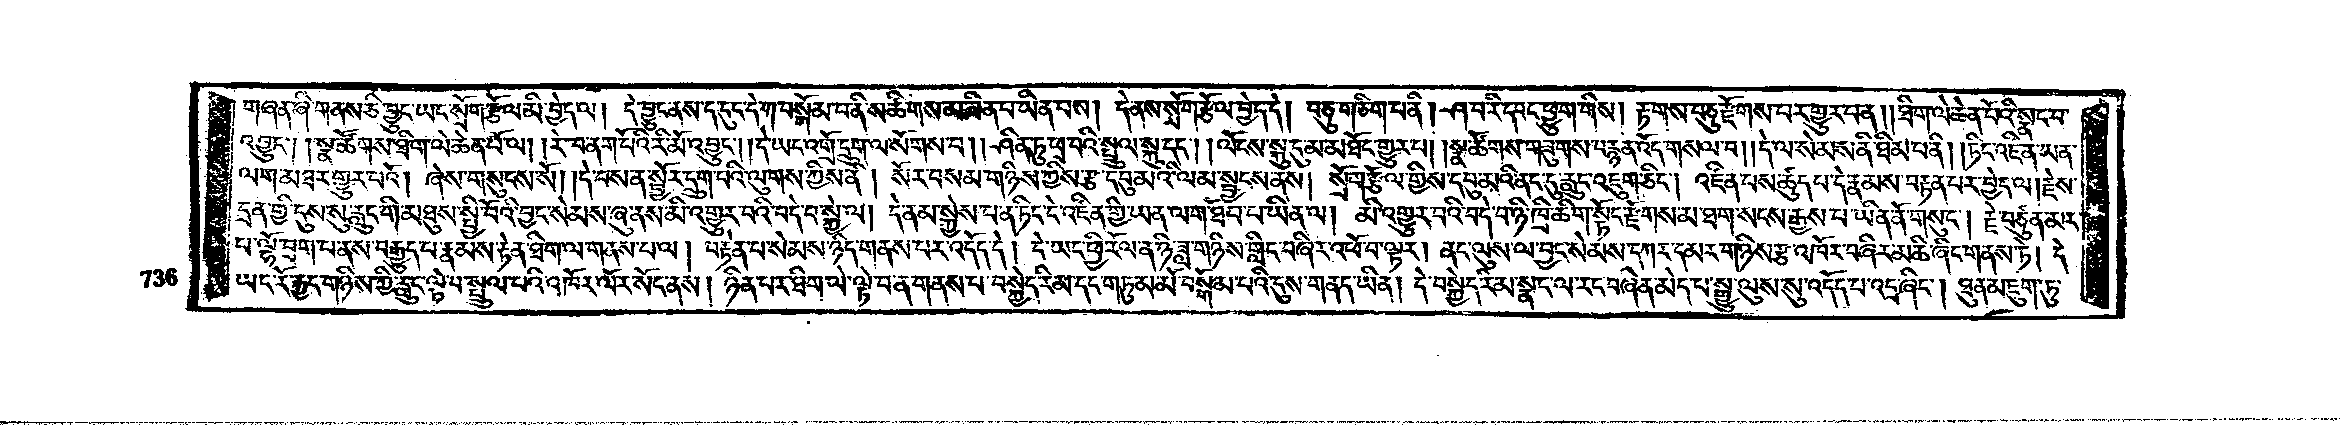གཞན་ཞི་གནས་ཅི་བྱུང་ཡང་སྲོག་རྩོལ་མི་བྱེད་ལ། དེ་བྱུང་ནས་ད་དུང་དེ་ཀ་བསྒོམ་པ་ནི་ས་ཚིགས་མ་ཟིན་པ་ཡིན་པས། དེ་ནས་སྲོག་རྩོལ་བྱེད་དེ། བཅུ་གཅིག་པ་ནི། ཤ་བ་རི་དབང་ཕྱུག་གིས། རྟགས་བཅུ་རྫོགས་པར་གྱུར་པ་ན། །ཐིག་ལེ་ཆེན་པོའི་སྣང་བ་
འབྱུང་། །སྣ་ཚོགས་ཐིག་ལེ་ཆེན་པོ་ལ། །རེ་བ་ནག་པོའི་རི་མོ་འབྱུང་། །དེ་ཡང་འགྲོ་དྲུག་ལ་སོགས་པ། །ཤིན་ཏུ་ཕྲ་བའི་སྤྲུལ་སྐུ་དང་། །ལོངས་སྐུ་དུ་མ་མཐོང་གྱུར་པ། །སྣ་ཚོགས་གཟུགས་བརྙན་འོད་གསལ་བ། །དེ་ལ་སེམས་ནི་ཐིམ་པ་ནི། །ཏིང་འཛིན་ཡན་
ལག་མཐར་གྱུར་པའོ། ཞེས་གསུངས་སོ། །དེ་བས་ན་སྦྱོར་དྲུག་པའི་ལུགས་ཀྱིས་ནི། སོར་བསམ་གཉིས་ཀྱིས་རྩ་དབུ་མའི་ལམ་སྦྱངས་ནས། སྲོག་རྩོལ་གྱིས་དབུ་མའི་ནང་དུ་རླུང་འཇུག་ཅིང་། འཛིན་པས་ཚུད་པ་དེ་རྣམས་བརྟན་པར་བྱེད་ལ། རྗེས་
དྲན་གྱི་དུས་སུ་རླུང་གི་མཐུས་སྤྱི་བོའི་བྱང་སེམས་ཞུ་ནས་མི་འགྱུར་བའི་བདེ་བ་སྐྱེ་ལ། དེ་ནམ་སྐྱེས་པ་ན་ཏིང་ངེ་འཛིན་གྱི་ཡན་ལག་ཐོབ་པ་ཡིན་ལ། མི་འགྱུར་བའི་བདེ་བ་ཉི་ཁྲི་ཆིག་སྟོང་རྫོགས་མ་ཐག་སངས་རྒྱས་པ་ཡིན་ནོ་གསུང་། རྗེ་བཙུན་མར་
པ་ལྷོ་བྲག་པ་ནས་བརྒྱུད་པ་རྣམས་རྟེན་ཐིག་ལ་གནས་པ་ལ། བརྟེན་པ་སེམས་ཉིད་གནས་པར་འདོད་དེ། དེ་ཡང་ཕྱི་རོལ་ན་ཉི་ཟླ་གཉིས་གླིང་བཞིར་འཕོ་བ་ལྟར། ནང་ལུས་ལ་བྱང་སེམས་དཀར་དམར་གཉིས་རྩ་འཁོར་བཞིར་མཆི་ཞིང་གནས་ཏེ། དེ་
ཡང་རོ་རྐྱང་གཉིས་ཀྱི་རླུང་ལྟེ་བ་སྤྲུལ་པའི་འཁོར་ལོར་སོང་ནས། ཉིན་པར་ཐིག་ལེ་ལྟེ་བ་ན་གནས་པ་བསྐྱེད་རིམ་དང་གཏུམ་མོ་བསྒོམ་པའི་དུས་གནད་ཡིན། དེ་བསྐྱེད་རིམ་སྣང་ལ་རང་བཞིན་མེད་པ་སྒྱུ་ལུས་སུ་འདོད་པ་འདྲ་ཞིང་། ཐུན་མཇུག་ཏུ་